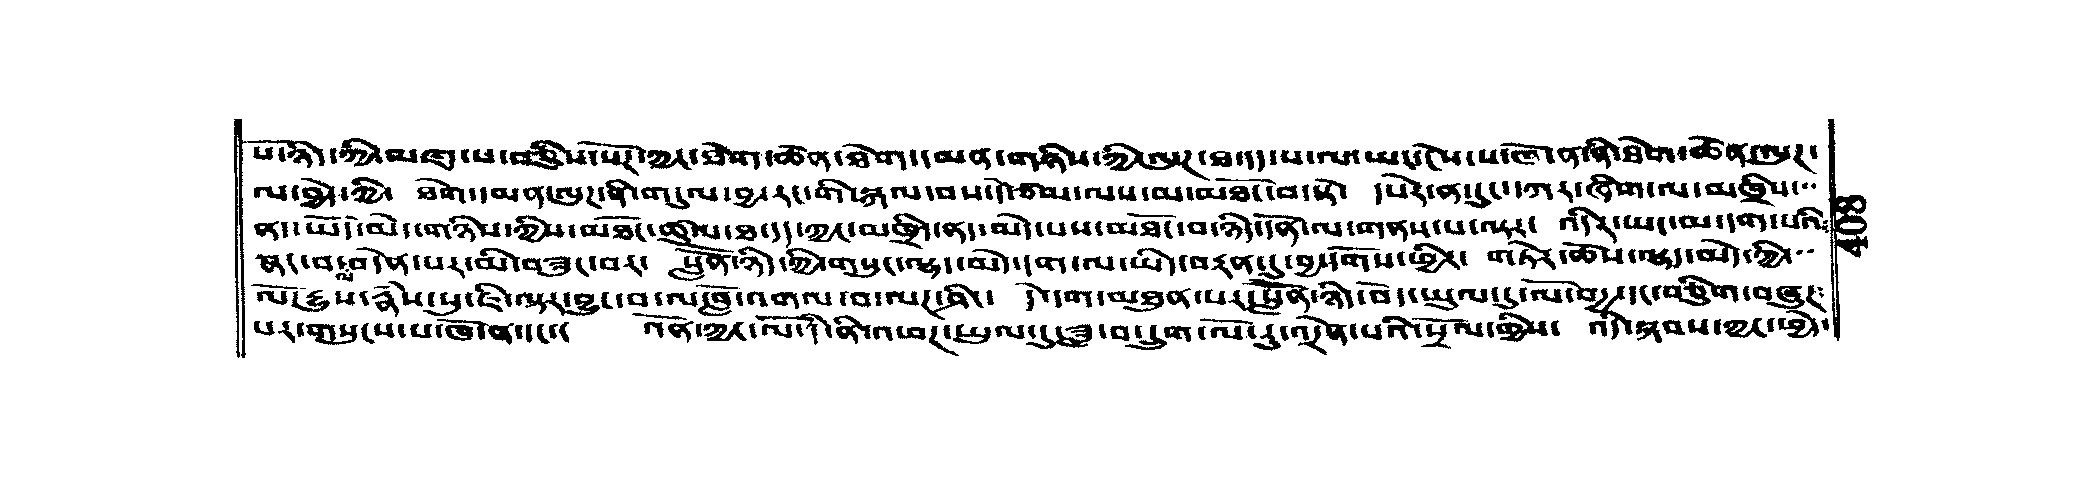པོ་ཉིད་ཀྱི་མཛད་པ་བཅུ་གཉིས་སོགས་ཀྱང་ཐེག་ཆེན་ཐེག་དམན་གཉིས་ཀྱི་ལུགས་ཐ་དད་པ་ལ་ཡང་ངེས་པ་ཁོ་ན་ནི་ཐེག་ཆེན་ལུགས་
ལ་བྱེད་ཀྱི། ཐེག་དམན་ལུགས་ནི་གདུལ་བྱ་རང་གི་སྐལ་བས་དེ་ཙམ་ལས་མ་མཐོང་བ་སྟེ། དཔེར་ན་དུང་དཀར་ཞིག་ལ་མཁྲིས་
ནད་ཡོད་མེད་གཉིས་ཀྱིས་མཐོང་ཚུལ་ཐ་དད་ཀྱང་མཁྲིས་ནད་མེད་པས་མཐོང་བ་ཉིད་དོན་ལ་གནས་པ་ལྟར། འདིར་ཡང་མ་དག་པའི་
སྣང་བ་ལ་བདེན་པར་མི་བཟུང་བར། སློབ་དཔོན་ཉིད་ཀྱི་གསུང་ལྷད་མེད་དག་ལ་ཡིད་བརྟན་དུ་བྱ་དགོས་ཕྱིར། གཏེར་ཆོས་ལྷད་མེད་ཀྱི་
ལོ་རྒྱུས་རྣམས་སུ་ཇི་ལྟར་བྱུང་བ་ལ་བློ་འགེལ་བ་ལགས་ཤིང་། དེ་དག་མཐུན་པར་སློབ་དཔོན་ཉིད་བོད་ཡུལ་དུ་ལོ་བརྒྱ་དང་བཅུ་གཅིག་བཞུགས་
པར་གསུངས་པ་ཁོ་ན་དང་། འོན་ཀྱང་ལོ་དེ་ནི་འཕགས་ཡུལ་དུ་ཟླ་བ་དྲུག་ལོ་རུ་འདྲེན་པའི་སྲོལ་གྱིས། འདི་སྐབས་ཀྱང་ཕྱེད་